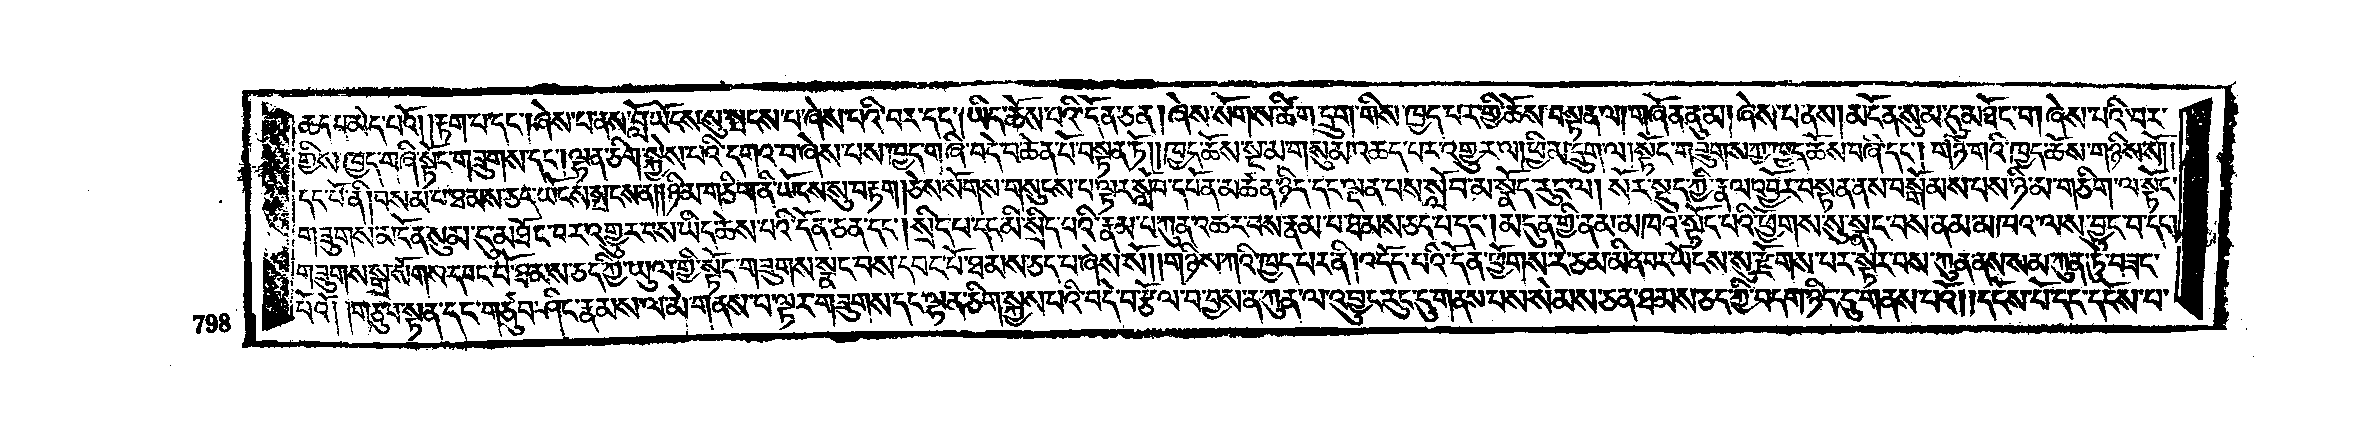ཆད་པ་མེད་པའོ། །རྟག་པ་དང་། ཞེས་པ་ནས་བློ་ཡོངས་སུ་སྤངས་པ་ཞེས་པའི་བར་དང་། ཡིད་ཆོས་པའི་དོན་ཅན། ཞེས་སོགས་ཚིག་དྲུག་གིས་ཁྱད་པར་གྱི་ཆོས་བསྟན་ལ། གཞོན་ནུ་མ། ཞེས་པ་ནས། མངོན་སུམ་དུ་མཐོང་གཞེས་པའི་བར་
གྱིས་ཁྱད་གཞི་སྟོང་གཟུགས་དང་། ལྷན་ཅིག་སྐྱེས་པའི་དགའ་བ་ཞེས་པས་ཁྱད་གཞི་བདེ་བ་ཆེན་པོ་བསྟན་ཏོ། །ཁྱད་ཆོས་སྔ་མ་གསུམ་འཆད་པར་འགྱུར་ལ། ཕྱི་མ་དྲུག་ལ། སྟོང་གཟུགས་ཀྱི་ཁྱད་ཆོས་བཞི་དང་། གཉི་གའི་ཁྱད་ཆོས་གཉིས་སོ། །
དང་པོ་ནི། བསམ་པ་ཐམས་ཅད་ཡོངས་སྤངས་ན། །ཉི་མ་གཅིག་ནི་ཡོངས་སུ་བརྟག །ཅེས་སོགས་གསུངས་པ་ལྟར་སློབ་དཔོན་མཚན་ཉིད་དང་ལྡན་པས་སློབ་མ་སྣོད་རུང་ལ། སོར་སྡུད་ཀྱི་རྣལ་འབྱོར་བསྟན་ནས་བསྒོམས་པས་ཉི་མ་གཅིག་ལ་སྟོང་
གཟུགས་མངོན་སུམ་དུ་མཐོང་བར་འགྱུར་བས་ཡིད་ཆེས་པའི་དོན་ཅན་དང་། སྲིད་པ་དང་མི་སྲིད་པའི་རྣམ་པ་ཀུན་འཆར་བས་རྣམ་པ་ཐམས་ཅད་པ་དང་། མདུན་གྱི་ནམ་མཁའ་སྟོང་པའི་ཕྱོགས་སུ་སྣང་བས་ནམ་མཁའ་ལས་བྱུང་བ་དང་།
གཟུགས་སྒྲ་སོགས་དབང་པོ་ཐམས་ཅད་ཀྱི་ཡུལ་གྱི་སྟོང་གཟུགས་སྣང་བས་དབང་པོ་ཐམས་ཅད་པ་ཞེས་སོ། །གཉིས་ཀའི་ཁྱད་པར་ནི། འདོད་པའི་དོན་ཕྱོགས་རེ་ཙམ་མིན་པར་ཡོངས་སུ་རྫོགས་པར་སྟེར་བས་ཀུན་ནས་སམ་ཀུན་ཏུ་བཟང་
པོའོ། །གཙུབ་སྟན་དང་གཙུབ་ཤིང་རྣམས་ལ་མེ་གནས་པ་ལྟར་གཟུགས་དང་ལྷན་ཅིག་སྐྱས་པའི་བདེ་བ་རྩོལ་བ་བྱས་ན་ཀུན་ལ་འབྱུང་རུང་དུ་གནས་པས་སེམས་ཅན་ཐམས་ཅད་ཀྱི་བདག་ཉིད་དུ་གནས་པའོ། །དངོས་པོ་དང་དངོས་པ་